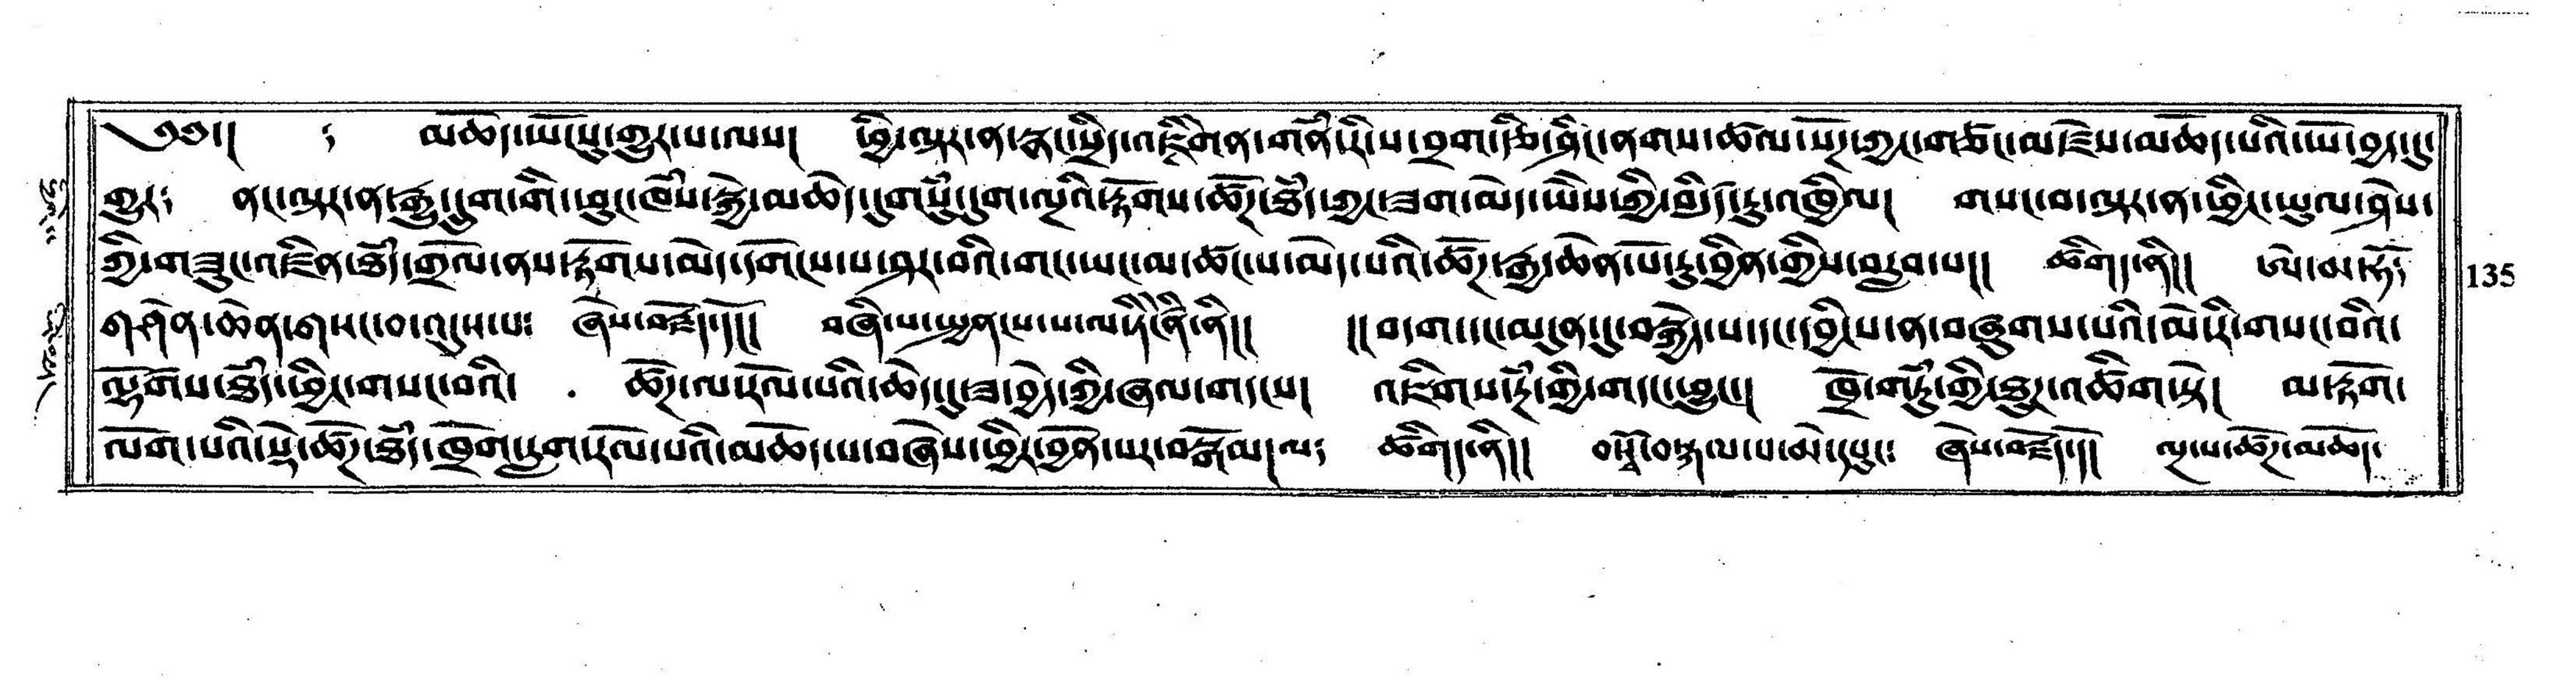མཆོད་ཡོངས་སུ་གྱུར་པ་ལས། ཕྱི་ལྟར་ན་སྣང་སྲིད་འཇིག་རྟེན་གནམ་རི་ས་བྲག་རྩི་ཤིང་ནགས་ཚལ་སོགས་ཀྱང་གཙང་མཛེས་མཆོད་པའི་ཡོ་བྱད་དུ་
གྱུར། ནང་ལྟར་ན་རྒྱུ་དྲུག་གི་ཕུང་ཁམས་སྐྱེ་མཆེད་དུག་གསུམ་དུག་ལྔའི་རྟོགས་ཚོགས་ཐམས་ཅད་ཀྱང་ཟག་མེད་ཡེ་ཤེས་ཀྱི་བདུད་རྩི་རུ་འཁྱིལ། གསང་བ་ལྟར་ན་ཕྱི་ནང་ཡུལ་ཤེས་
ཀྱི་གཟུང་འཛིན་ཐམས་ཅད་གྲོལ་ནས་རྟོགས་མེད་དགོངས་པ་ཤར་བའི་གང་ཡང་མ་ཚང་པ་མེད་པའི་ཚོགས་རྒྱ་ཆེན་པོ་རུ་བྱིན་གྱིས་བརླབ་པ།། ཚིག་བཤད་ནི།། ཨེ་མ་ཧོ 
གཤེན་ཆེན་གསང་བ་འདུས་པ༴ ཞེས་བརྗོད་དོ།། བཞི་པ་སྤྱན་དྲངས་པ་ལ་ཏིང་ངེ་འཛིན་ནི།། །།བདག་དང་མདུན་དུ་བསྐྱེད་པ་དང་དབྱིངས་ན་བཞུགས་པའི་མེ་རི་གསང་བའི་
ལྷ་ཚོགས་ཐམས་ཅད་ཕྱི་ནང་གསང་བའི། ཚོགས་ལ་རོལ་པའི་ཆེད་དུ་ཟ་བྱེད་ཀྱི་ཞལ་གདངས། འཇིགས་རྔམ་གྱི་གདང་ཕྱུང་། ཁྲོ་གཏུམ་གྱི་ཐུགས་འཚིག་སྟེ། མ་རྟོག་
ལོག་པའི་སྡེ་ཚོགས་ཐམས་ཅད་ཁྲོག་རླག་རོལ་པའི་མཆོད་པ་བཞེས་ཕྱིར་བྱོན་པར་བསྒོམ།ལ ཚིག་བཤད་ནི།། བསྭོ་བསྐལ་པ་མེ་དཔུང༴ ཞེས་བརྗོད་དོ། ལྔ་པ་ཚོགས་མཆོད་